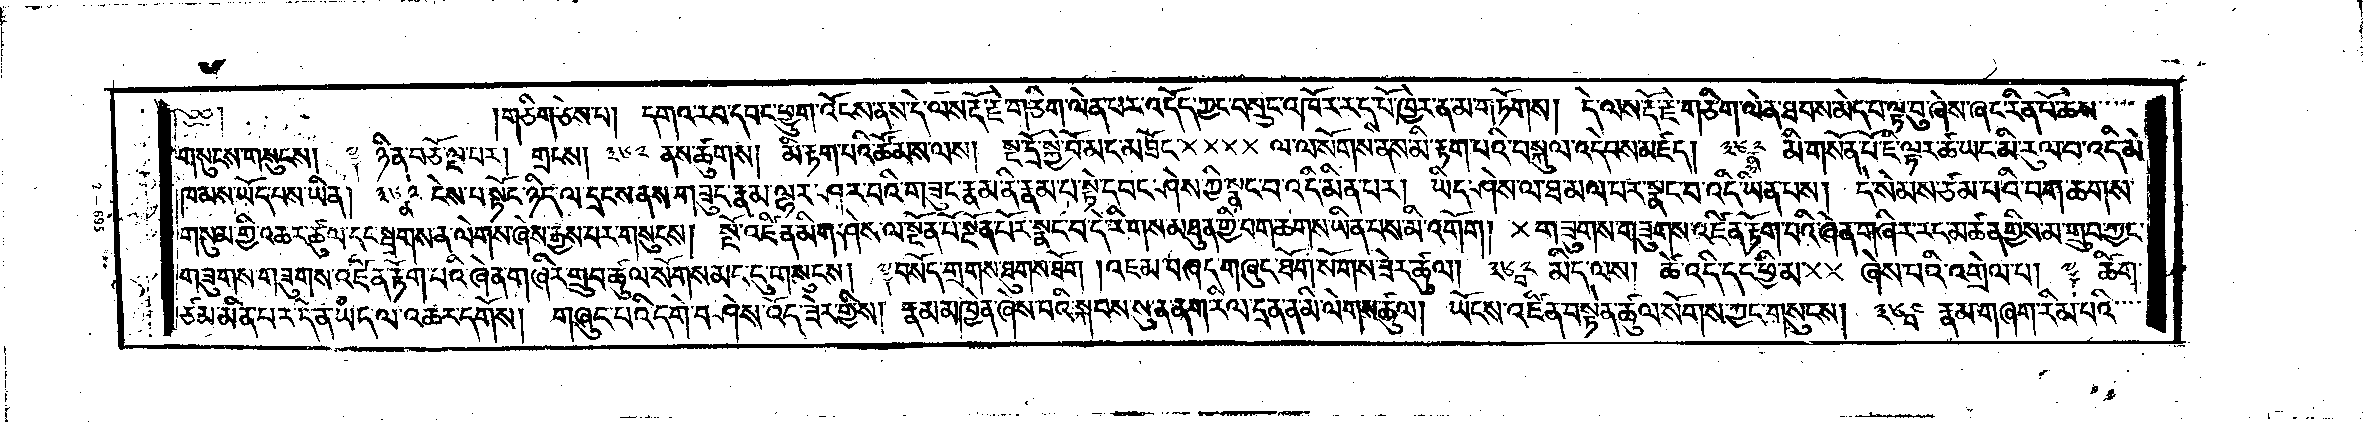༄༅། །གཅིག་ཅེས་པ། དགའ་རབ་དབང་ཕྱུག་འོངས་ནས་དེ་ལས་རྡོ་རྗེ་གཅིག་ལེན་པར་འདོད་ཀྱང་བསྲུང་འཁོར་རངས་པོ་ཁྱེར་ན་མ་གཏོགས། དེ་ལས་རྡོ་རྗེ་གཅིག་ལེན་ཐབས་མེད་པ་ལྟ་བུ་ཞེས་ཞང་རིན་པོ་ཆེས་
གསུངས་གསུངས། ༈ ཉིན་བཅོ་ལྔ་པར། གྲངས། ༣༦༢་ནས་ཚུགས། མི་རྟག་པའི་ཚོམས་ལས། སྔ་དྲོ་སྐྱེ་བོ་མང་མཐོང་྾་྾་྾་ལ་ལ་སོགས་ནས་མི་རྟག་པའི་བསྐུལ་འདེབས་མཛད། ༣༦༢ན༣་མི་གསོན་པོ་ཇི་ལྟར་ཚ་ཡང་མི་རུལ་བ་འདི་མེ་
ཁམས་ཡོད་པས་ཡིན། ༣༦༢ན་ངེས་པ་སྟོང་ཉིད་ལ་དྲངས་ནས་གཟུང་རྣམ་ལྷར་ཤར་བའི་གཟུང་རྣམ་ནི་རྣམ་པ་སྟེ་དབང་ཤེས་ཀྱི་སྣང་བ་འདི་མིན་བར། ཡིད་ཤེས་ལ་ཐ་མལ་པར་སྣང་བ་འདི་ཡིན་པས། དེ་སེམས་ཙམ་པའི་བག་ཆགས་
གསུམ་གྱི་འཆར་ཚུལ་དང་སྦྲགས་ན་ལེགས་ཞེས་རྒྱས་པར་གསུངས། སྔོ་འཛིན་མིག་ཤེས་ལ་སྔོན་པོ་སྔོན་པོར་སྣང་བ་དེ་རིགས་མཐུན་གྱི་བག་ཆགས་ཡིན་པས་མི་འགོག ། ྾་གཟུགས་གཟུགས་འཛིན་རྟོག་པའི་ཞེན་གཞིར་རང་མཚན་གྱིས་མ་གྲུབ་ཀྱང་
གཟུགས་གཟུགས་འཛིན་རྟོག་པའི་ཞེན་གཞིར་གྲུབ་ཚུལ་སོགས་མང་དུ་གསུངས། ༈ བསོད་གྲགས་ཐུགས་ཐོག །འཇམ་བཞད་གཞུང་ཐོག་སོགས་ཟེར་ཚུལ། ༣༦༢བ་མིད་ལས། ཚེ་འདི་དང་ཕྱི་མ་྾་྾་ཞེས་པའི་འགྲེལ་པ། ༈ ཚིག་
ཙམ་མིན་པར་དོན་ཡིད་ལ་འཆར་དགོས། གཞུང་བའི་དགེ་བཤེས་འོད་ཟེར་གྱིས། རྣམ་མཁྱེན་ཞེས་པའི་སྐབས་སུ་ན་ནག་རིལ་དྲན་ན་མི་ལེགས་ཚུལ། ཡོངས་འཛིན་བསྟེན་ཚུལ་སོགས་ཀྱང་གསུངས། ༣༦༤བ་རྣམ་གཞག་རིམ་པའི་